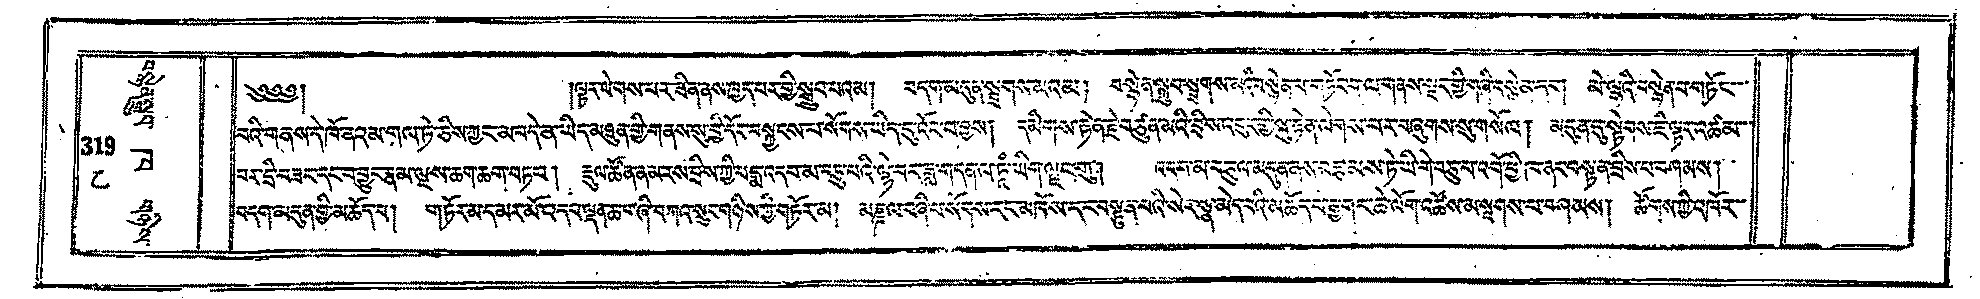༄༅༅། །ལྟར་ལེགས་པར་ཟིན་ནས་ཁྱད་པར་གྱི་སྒྲུབ་པའམ། བདག་མདུན་སྦྲགས་མའམ། བསྙེན་སྒྲུབ་སྦྲགས་མའི་བསྙེན་པ་གཏོང་བ་ལ་གནས་སྔར་གྱི་གཞི་བསྙེན་དང་། མེ་ལྷའི་བསྙེན་པ་གཏོང་་་
བའི་གནས་དེ་ཁོ་ནའམ་གལ་ཏེ་ཅིས་ཀྱང་མ་བདེ་ན་ཡིད་མཐུན་གྱི་གནས་སུ་བྱི་དོར་བསྐྱངས་པ་སོགས་ཡིད་དུ་འོང་བ་བྱས། དམིགས་རྟེན་རྗེ་བཙུན་མའི་བྲིས་འབུར་གྱི་སྐུ་རྟེན་ལེགས་པར་བཞུགས་སུ་གསོལ། མདུན་དུ་སྟེགས་ཇི་ལྟར་འཚམ་་་
པར་དྲི་བཟང་དང་བ་བྱུང་རྣམ་ལྔས་ཆག་ཆག་བཏབ། རྡུལ་ཚོན་ནམ་རས་བྲིས་ཀྱི་པདམ་འདབ་མ་བཅུ་པའི་ལྟེ་བར་ཟླ་གདན་ལ་ཏཱཾ་ཡིག་ལྗང་གུ། འདབ་མ་བཅུ་ལ་མདུན་ནས་བརྩམས་ཏེ་ཡི་གེ་བཅུ་པ་འགོ་ཕྱི་ཁ་ནང་བསྟན་བྲིས་པ་བཤམས།
བདག་མདུན་གྱི་མཆོད་པ། གཏོར་མ་དམར་མོ་འདབ་ལྡན་ཆ་བ་ཞི་བཀའ་སྲུང་གཉིས་ཀྱི་གཏོར་མ། མཎྜལ་བཞི་པ་སོགས་རང་མཁོས་དང་བསྟུན་པའི་སེར་སྣ་མེད་པའི་མཆོད་པ་རྒྱ་གང་ཆེ་ལོག་འཚོས་མ་སྦགས་པ་བཤམས། ཚོགས་ཀྱི་འཁོར་་་